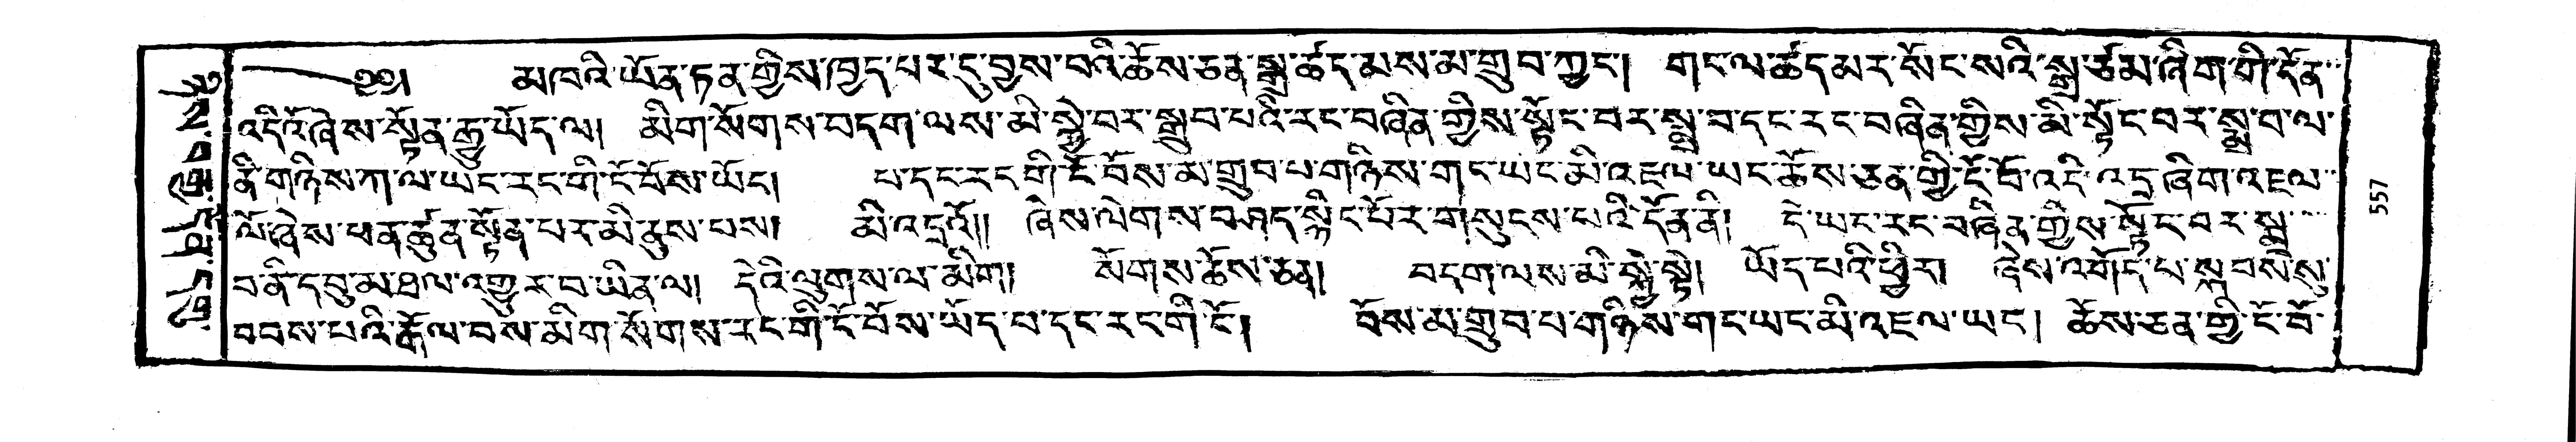༄༅། །མཁའི་ཡོན་ཏན་གྱིས་ཁྱད་པར་དུ་བྱས་པའི་ཆོས་ཅན་སྒྲ་ཚད་མས་མ་གྲུབ་ཀྱང་། གང་ལ་ཚད་མར་སོང་སའི་སྒྲ་ཙམ་ཞིག་གི་དོན་
འདིའོ་ཞེས་སྟོན་རྒྱུ་ཡོད་ལ། མིག་སོགས་བདག་ལས་མི་སྐྱེ་བར་སྒྲུབ་པའི་རང་བཞིན་གྱིས་སྟོང་བར་སྨྲ་བ་དང་རང་བཞིན་གྱིས་མི་སྟོང་བར་སྨྲ་བ་ལ་
ནི་གཉིས་ཀ་ལ་ཡང་རང་གི་ངོ་བོས་ཡོད། པ་དང་རང་གི་ངོ་བོས་མ་གྲུབ་པ་གཉིས་གང་ཡང་མི་འཇལ་ཡང་ཆོས་ཅན་གྱི་ངོ་བོ་འདི་འདྲ་ཞིག་འཇལ་
ལོ་ཞེས་ཕན་ཚུན་སྟོན་པར་མི་ནུས་པས། མི་འདྲའོ།། ཞེས་ལེགས་བཤད་སྙིང་པོར་གསུངས་པའི་དོན་ནི། དེ་ཡང་རང་བཞིན་གྱིས་སྟོང་པར་སྨྲ་
བ་ནི་དབུ་མ་ཐལ་འགྱུར་བ་ཡིན་ལ། དེའི་ལུགས་ལ་མིག། སོགས་ཆོས་ཅན། བདག་ལས་མི་སྐྱེ་སྟེ། ཡོད་པའི་ཕྱིར། ཞེས་འགོད་པ་སྐབས་སུ་
བབས་པའི་རྒོལ་བས་མིག་སོགས་རང་གི་ངོ་བོས་ཡོད་པ་དང་རང་གི་ངོ། བོས་མ་གྲུབ་པ་གཉིས་གང་ཡང་མི་འཇལ་ཡང་། ཆོས་ཅན་གྱི་ངོ་བོ་